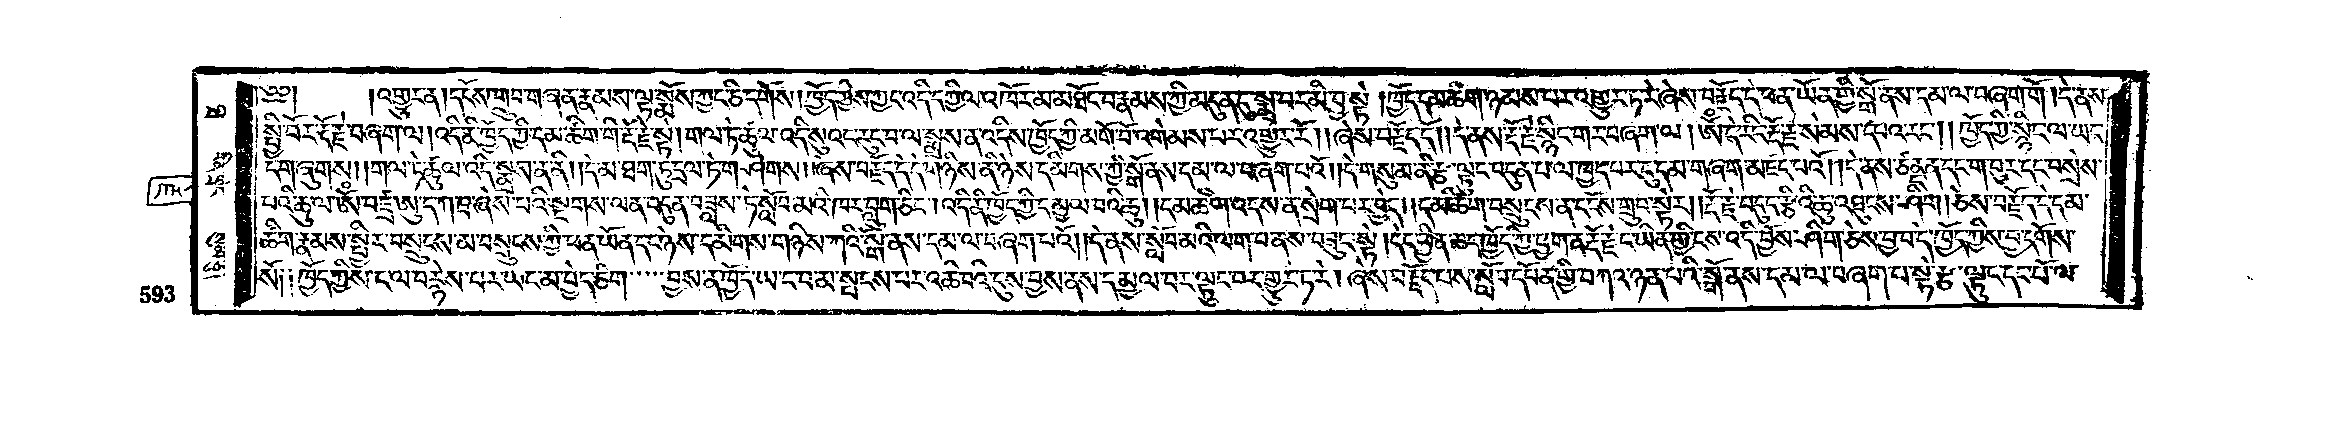༄༅། །འགྱུར་ན། དངོས་གྲུབ་གཞན་རྣམས་ལྟ་སྨོས་ཀྱང་ཅི་དགོས། ཁྱོད་ཀྱིས་ཀྱང་འདི་དཀྱིལ་འཁོར་མ་མཐོང་བ་རྣམས་ཀྱི་མདུན་དུ་སྨྲ་བར་མི་བྱ་སྟེ། ཁྱོད་དམ་ཚིག་ཉམས་པར་འགྱུར་ཏ་རེ་ཞེས་བརྗོད་དེ་ཕན་ཡོན་གྱི་སྒོ་ནས་དམ་ལ་བཞག་གོ །དེ་ནས་
སྤྱི་བོར་རྡོ་རྗེ་བཞག་ལ། འདི་ནི་ཁྱོད་ཀྱི་དམ་ཚིག་གི་རྡོ་རྗེ་སྟེ། གལ་ཏེ་ཚུལ་འདི་སུའང་རུང་བ་ལ་སྨྲས་ན་འདིས་ཁྱོད་ཀྱི་མགོ་བོ་འགེམས་པར་འགྱུར་རོ། །ཞེས་བརྗོད་དོ། །དེ་ནས་རྡོ་རྗེ་སྙིང་གར་བཞག་ལ། ཨོཾ་དེ་རིང་རྡོ་རྗེ་སེམས་དཔའ་རང་། །ཁྱོད་ཀྱི་སྙིང་ལ་ཡང་
དག་ཞུགས། །གལ་ཏེ་ཚུལ་འདི་སྨྲས་ན་ནི། །དེ་མ་ཐག་ཏུ་དྲལ་ཏེ་གཤེགས། །ཞེས་བརྗོད་དེ་དེ་གཉིས་ནི་ཉེས་དམིགས་ཀྱི་སྒོ་ནས་དམ་ལ་བཞག་པའོ། །དེ་གསུམ་ནི་རྩ་ལྟུང་བདུན་པ་ལ་ཁྱད་པར་དུ་དམ་གཞག་མཛད་པའོ། །དེ་ནས་ཙནྡན་དང་ག་བུར་དང་བསྲེས་
པའི་ཆུ་ལ་ཨོཾ་བཛྲ་ཨུ་ད་ཀ་ཊཿཨ་ཞེས་པའི་སྔགས་ལན་བདུན་བཟླས་ཏེ་སློབ་མའི་ཁར་བླུག་ཅིང་། འདི་ནི་ཁྱོད་ཀྱི་དམྱལ་བའི་ཆུ། །དམ་ཚིག་འདས་ན་སྲེག་པར་བྱེད། །དམ་ཚིག་བསྲུངས་ན་དངོས་གྲུབ་སྟེར། །རྡོ་རྗེ་བདུད་རྩིའི་ཆུ་འཐུངས་ཤིག །ཅེས་བརྗོད་དེ་དམ་
ཚིག་རྣམས་སྤྱིར་བསྲུངས་མ་བསྲུངས་ཀྱི་ཕན་ཡོན་དང་ཉེས་དམིགས་གཉིས་ཀའི་སྒོ་ནས་དམ་ལ་བཞག་པའོ། །དེ་ནས་སློབ་མའི་ལག་པ་ནས་བཟུང་སྟེ། དེང་ཕྱིན་ཆད་ཁྱོད་ཀྱི་ཕྱག་ན་རྡོ་རྗེ་ང་ཡིན་གྱི་ངས་འདི་བྱོས་ཤིག་ཅེས་བྱ་བ་དེ་ཁྱོད་ཀྱིས་བྱ་དགོས་
སོ། །ཁྱོད་ཀྱིས་ང་ལ་བརྙས་པར་ཡང་མ་བྱེད་ཅིག་བྱས་ན་ཁྱོད་ཡ་ང་བ་མ་སྤངས་པར་འཆི་བའི་དུས་བྱས་ནས་དམྱལ་བར་ལྟུང་བར་གྱུར་ཏ་རེ། ཞེས་བརྗོད་པས་སློབ་དཔོན་གྱི་བཀའ་ཉན་པའི་སྒོ་ནས་དམ་ལ་བཞག་པ་སྟེ་རྩ་ལྟུང་དང་པོ་ལ་